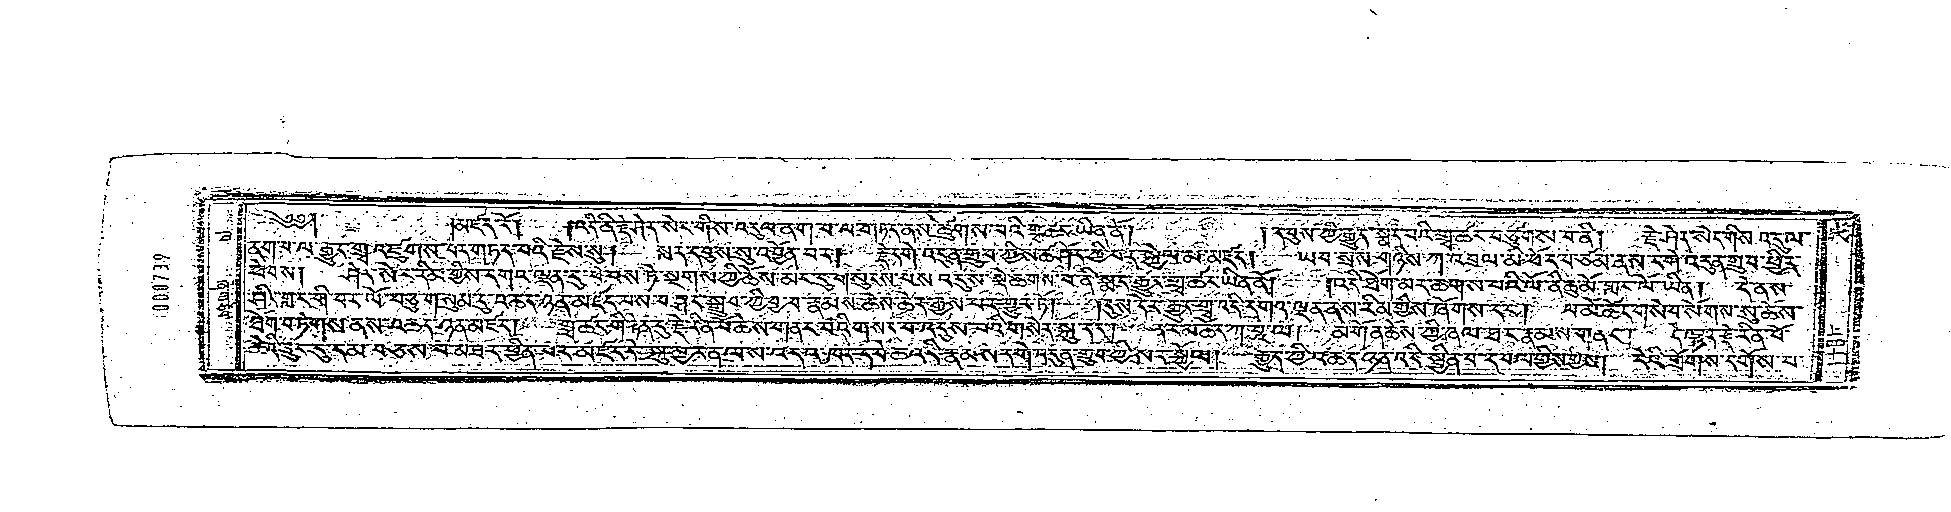༄༅། །མཛད་དོ། །འདི་ནི་རྗེ་ཤེར་སེང་གིས་འདུལ་ནག་པ་ལ་གཏད་ནས་ཚུགས་པའི་གྲྭ་ཚང་ཡིན་ནོ། །དབུས་ཀྱི་རྒྱུད་སྨད་པའི་གྲྭ་ཚང་བཙུགས་པ་ནི། རྗེ་ཤེར་སེང་གིས་འདུལ་
ནག་པ་ལ་རྒྱུད་གྲྭ་འཛུགས་པར་གཏད་པའི་རྗེས་སུ། སླར་དབུས་སུ་འབྱོན་བར། རྗེ་དགེ་འདུན་གྲུབ་ཀྱིས་ཚ་ཤོད་ཀྱི་བར་སྐྱེལ་མ་མཛད། ཡབ་སྲས་གཉིས་ཀ་འབྲལ་མི་ཕོད་པ་ཙམ་ནས་དགེ་འདུན་གྲུབ་ཕྱིར་
ཕེབས། ཤེར་སེང་རིམ་གྱིས་དགའ་ལྡན་དུ་ཕེབས་ཏེ་སྔགས་ཀྱི་ཆོས་མང་དུ་གསུངས་པས་འདུས་སྡེ་ཆགས་པ་ནི་སྨད་རྒྱུད་གྲྭ་ཚང་ཡིན་ནོ། །འདི་ཐོག་མར་ཆགས་པའི་ལོ་ནི་ཆུ་མོ་གླང་ལོ་ཡིན། དེ་ནས་
ཤིང་གླང་གི་བར་ལོ་བཅུ་གསུམ་དུ་འཆད་ཉན་མཛད་པས་བཤད་སྒྲུབ་ཀྱི་བྱ་བ་རྣམས་ཆེས་ཆེར་རྒྱས་པར་གྱུར་ཏོ། །དུས་དེར་རྒྱུད་གྲྭ་འདི་དགའ་ལྡན་ནས་རིམ་གྱིས་ཞོགས་དང་། ལ་མོ་ཚོང་གསེབ་སོགས་སུ་ཆོས་
ཐོག་བཏེགས་ནས་འཆད་ཉན་མཛད། གྲྭ་ཚང་གི་རྟེན་དུ་རྗེ་རིན་པོ་ཆེས་གནང་བའི་གསར་བ་འདུས་བའི་གསེར་སྐུ་དང་། ནང་མཆོད་ཀ་པཱ་ལ། མགོན་ཆོས་ཀྱི་ཞལ་ཐང་རྣམས་གནང་། དེ་ལྟར་རྗེ་རིན་པོ་
ཆེའི་དྲུང་དུ་དམ་བཅས་པ་མཐར་ཕྱིན་བར་མཛད་དེ་སྐུ་མྱ་ངན་ལས་འདའ་ཁར་དབེ་ཆ་འདི་རྣམས་དགེ་འདུན་གྲུབ་ཀྱི་སར་སྐྱོལ། རྒྱུད་ཀྱི་འཆད་ཉན་འདི་སྦྱིན་བ་དབལ་གྱིས་གྱིས། དེའི་གྲོགས་དགོས་པ་